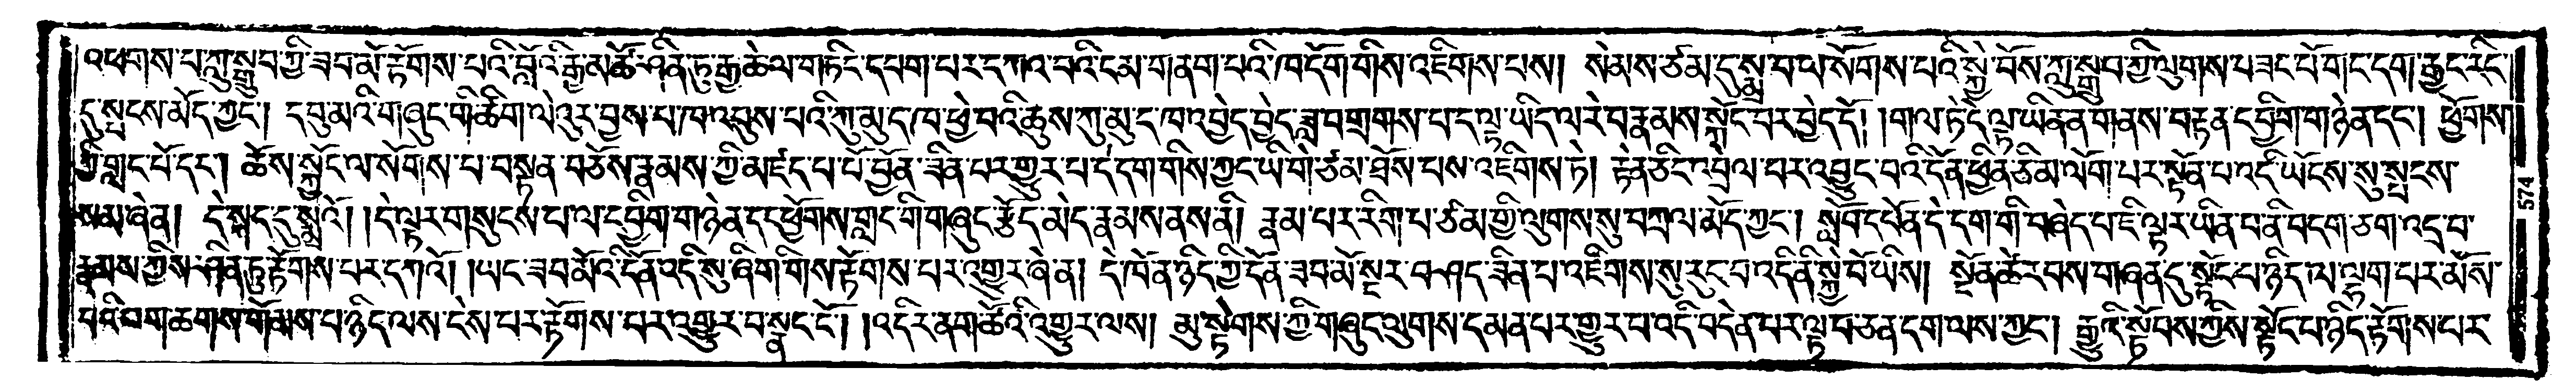འཕགས་པ་ཀླུ་སྒྲུབ་ཀྱི་ཟབ་མོ་རྟོགས་པའི་བློའི་རྒྱ་མཚོ་ཤིན་ཏུ་རྒྱ་ཆེ་ལ་གཏིང་དཔག་པར་དཀའ་བའི་ངམ་གནག་པའི་ཁ་དོག་གིས་འཇིགས་པས། སེམས་ཙམ་དུ་སྨྲ་བ་ལ་སོགས་པའི་སྐྱོ་བོས་ཀླུ་སྒྲུབ་ཀྱི་ལུགས་བཟང་པོ་གང་དག་རྒྱང་རིང་
དུ་སྤངས་མོད་ཀྱང་། དབུ་མའི་གཞུང་གི་ཚིག་ལེའུར་བྱས་པ་ཁ་འབུས་པའི་ཀུ་མུ་ད་ཁ་ཕྱེ་བའི་ཆུས་ཀུ་མུ་ད་ཁ་འབྱེད་བྱེད་ཟླ་བ་གྲགས་པ་ད་ལྟ་ཡིད་ལ་རེ་བ་རྣམས་སྐོང་བར་བྱེད་དོ། །གལ་ཏེ་དེ་ལྟ་ཡིན་ན་གནས་བརྟན་དབྱིག་གཉེན་དང་། ཕྱོགས་
ཀྱི་གླང་པོ་དང་། ཆོས་སྐྱོང་ལ་སོགས་པ་བསྟན་བཅོས་རྣམས་ཀྱི་མཛད་པ་པོ་བྱོན་ཟིན་པར་གྱུར་པ་དེ་དག་གིས་ཀྱང་ཡི་གེ་ཙམ་ཐོས་པས་འཇིགས་ཏེ། རྟེན་ཅིང་འབྲེལ་བར་འབྱུང་བའི་དོན་ཕྱིན་ཅི་མ་ལོག་པར་སྟོན་པ་འདི་ཡོངས་སུ་སྤང་
སམ་ཞེ་ན། དེ་སྐད་དུ་སྨྲའོ། །དེ་ལྟར་གསུངས་པ་ལ་དབྱིག་གཉེན་དང་ཕྱོགས་གླང་གི་གཞུང་རྩོད་མེད་རྣམས་ནས་ནི། རྣམ་པར་རིག་པ་ཙམ་གྱི་ལུགས་སུ་བཀྲལ་མོད་ཀྱང་། སློབ་དཔོན་དེ་དག་གི་བཞེད་པ་ཇི་ལྟར་ཡིན་པ་ནི་བདག་ཅག་འདྲ་བ་
རྣམས་ཀྱིས་ཤིན་ཏུ་རྟོགས་པར་དཀའོ། །ཡང་ཟབ་མོའི་དོན་འདི་སུ་ཞིག་གིས་རྟོགས་པར་འགྱུར་ཞེ་ན། དེ་ཁོ་ན་ཉིད་ཀྱི་དོན་ཟབ་མོ་སྔར་བཤད་ཟིན་པ་འཇིགས་སུ་རུང་བ་འདི་ནི་སྐྱེ་བོ་ཡིས། སྔོན་ཚེ་རབས་གཞན་དུ་སྟོང་པ་ཉིད་ལ་ལྷག་པར་མོས་
པའི་བག་ཆགས་གོམས་པ་ཉིད་ལས་ངེས་པར་རྟོགས་པར་འགྱུར་བ་སྣང་ངོ། །འདིར་ནག་ཚོའི་འགྱུར་ལས། མུ་སྟེགས་ཀྱི་གཞུང་ལུགས་དམན་པར་གྱུར་པ་འདི་བདེན་པར་ལྟ་བ་ཅན་དག་ལས་ཀྱང་། རྒྱུའི་སྟོབས་ཀྱིས་སྟོང་པ་ཉིད་རྟོགས་པར་